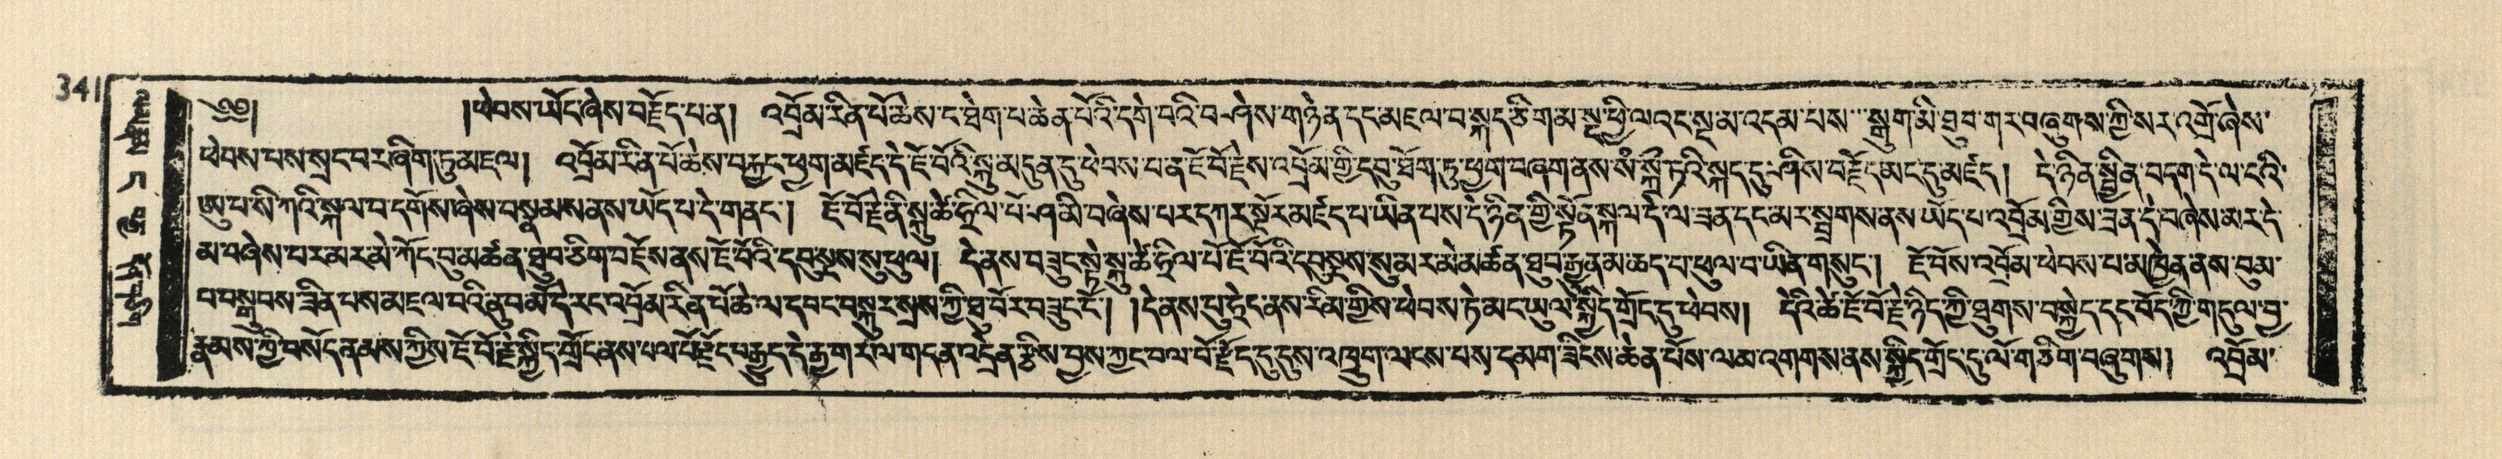༄༅། །ཕེབས་ཡོད་ཞེས་བརྗོད་པ་ན། འབྲོམ་རིན་པོ་ཆེས་ང་ཐེག་པ་ཆེན་པོའི་དགེ་བའི་བཤེས་གཉེན་དང་མཇལ་བ་སྐད་ཅིག་མ་སྔ་ཕྱི་ལའང་སྔ་མ་འདམ་པས་སྒུག་མི་ཐུབ་གར་བཞུགས་ཀྱི་སར་འགྲོ་ཞེས་
ཕེབས་པས་སྲང་བར་ཞིག་ཏུ་མཇལ། འབྲོམ་རིན་པོ་ཆེས་བརྐྱང་ཕྱག་མཛད་དེ་ཇོ་བོའི་སྐུ་མདུན་དུ་ཕེབས་པ་ན་ཇོ་བོ་རྗེས་འབྲོམ་གྱི་དབུ་ཐོག་ཏུ་ཕྱག་བཞག་ནས་སཾ་སྐྲྀ་ཏའི་སྐད་དུ་ཤིས་བརྗོད་མང་དུ་མཛད། དེ་ཉིན་སྦྱིན་བདག་དེ་ལ་ངའི་
ཨུ་པ་སི་ཀའི་སྐལ་བ་དགོས་ཞེས་བསྣམས་ནས་ཡོད་པ་དེ་གནང་། ཇོ་བོ་རྗེ་ནི་སྐུ་ཚེ་ཧྲིལ་པོ་ཤ་མི་བཞེས་པར་དཀར་སྔོར་མཛད་པ་ཡིན་པས་དེ་ཉིན་གྱི་སྟོན་སྐལ་དེ་ལ་ཟན་དང་མར་སྦྲགས་ནས་ཡོད་པ་འབྲོམ་གྱིས་ཟན་དེ་བཞེས་མར་དེ་
མ་བཞེས་པར་མར་མེ་ཀོང་བུ་མཚན་ཐུབ་ཅིག་བྗོས་ནས་ཇོ་བོའི་དབུ་སྔས་སུ་ཕུལ། དེ་ནས་བཟུང་སྟེ་སྐུ་ཚེ་ཧྲིལ་པོ་ཇོ་བོའི་དབུ་སྔས་སུ་མར་མེ་མཚན་ཐུབ་རྒྱན་མ་ཆད་པ་ཕུལ་བ་ཡིན་གསུང་། ཇོ་བོས་འབྲོམ་ཕེབས་པ་མཁྱེན་ནས་བུམ་
པ་བསྒུབས་ཟིན་པས་མཇལ་བའི་ནུབ་མོ་དེ་རང་འབྲོམ་རིན་པོ་ཆེ་ལ་དབང་བསྐུར་སྲས་ཀྱི་ཐུ་བོར་བཟུང་ངོ། །དེ་ནས་པུ་ཧྲེང་ནས་རིམ་གྱིས་ཕེབས་ཏེ་མང་ཡུལ་སྐྱིད་གྲོང་དུ་ཕེབས། དེའི་ཚེ་ཇོ་བོ་རྗེ་ཉིད་ཀྱི་ཐུགས་བསྐྱེད་དང་བོད་ཀྱི་གདུལ་བྱ་
རྣམས་ཀྱི་བསོད་ནམས་ཀྱིས་ཇོ་བོ་རྗེ་སྐྱིད་གྲོང་ནས་པལ་པོ་རྫོང་བརྒྱུད་དེ་རྒྱ་གར་ལ་གདན་འདྲེན་རྩིས་བྱས་ཀྱང་བླ་པོ་རྫོང་དུ་དུས་འཁྲུག་ལངས་པས་དམག་ཟིངས་ཆེན་པོས་ལམ་འགགས་ནས་སྐྱིད་གྲོང་དུ་ལོ་གཅིག་བཞུགས། འབྲོམ་